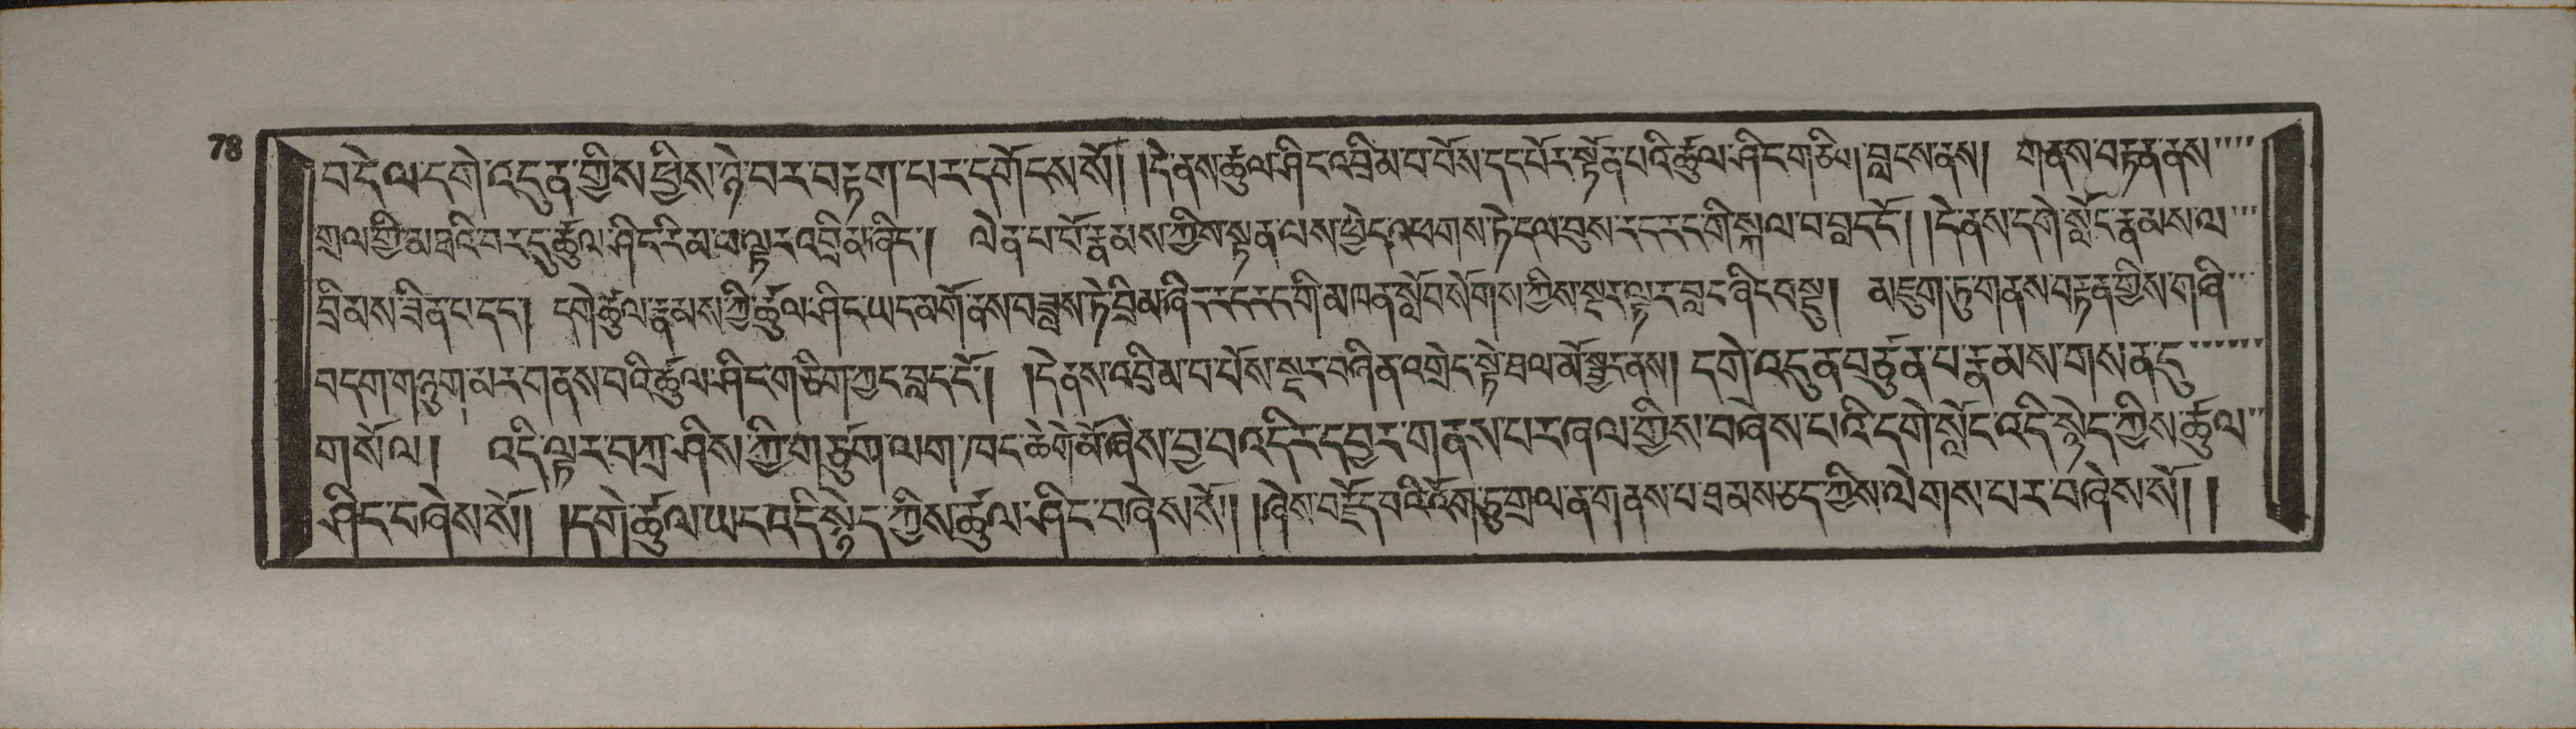བ་དེ་ལ་དགེ་འདུན་གྱིས་ཕྱིས་ཉེ་བར་བརྟག་པར་དགོངས་སོ། །དེ་ནས་ཚུལ་ཤིང་འབྲིམ་པ་པོས་དང་པོར་སྟོན་པའི་ཚུལ་ཤིང་གཅིག་བླངས་ནས། གནས་བརྟན་ནས་
གྲལ་གྱི་མཐའི་བར་དུ་ཚུལ་ཤིང་རིམ་པ་ལྟར་འབྲིམ་ཞིང་། ལེན་པ་པོ་རྣམས་ཀྱིས་སྟན་ལས་ཕྱེད་འཕགས་ཏེ་དལ་བུས་རང་རང་གི་སྐལ་བ་བླང་ངོ། །དེ་ནས་དགེ་སློང་རྣམས་ལ་
བྲིམས་ཟིན་པ་དང་། དགེ་ཚུལ་རྣམས་ཀྱི་ཚུལ་ཤིང་ཡང་མགོ་ནས་བཟླས་ཏེ་བྲིམ་ཞིང་རང་རང་གི་མཁན་སློབ་སོགས་ཀྱིས་སྔར་ལྟར་བླ་བཞིང་བསྡུ། མཇུག་ཏུ་གནས་བརྟན་གྱིས་གཞི་
བདག་གཉུག་མར་གནས་པའི་ཚུལ་ཤིང་གཅིག་ཀྱང་བླང་ངོ། །དེ་ནས་འབྲིམ་པ་པོས་སྔར་བཞིན་འགྲེང་སྟེ་ཐལ་མོ་སྦྱར་ནས། དགེ་འདུན་བཙུན་པ་རྣམས་གསན་དུ་
གསོལ། འདི་ལྟར་བཀྲ་ཤིས་ཀྱི་གཙུག་ལག་ཁང་ཆེ་གེ་མོ་ཞེས་བྱ་བ་འདིར་དབྱར་གནས་པར་ཞལ་གྱིས་བཞེས་པའི་དགེ་སློང་འདི་སྙེད་ཀྱིས་ཚུལ་
ཤིང་བཞེས་སོ། །དགེ་ཚུལ་ཡང་འདི་སྙེད་ཀྱིས་ཚུལ་ཤིང་བཞེས་སོ། །ཞེས་བརྗོད་པའི་འོག་ཏུ་གྲལ་ན་གནས་པ་ཐམས་ཅད་ཀྱིས་ལེགས་པར་བཞེས་སོ། །